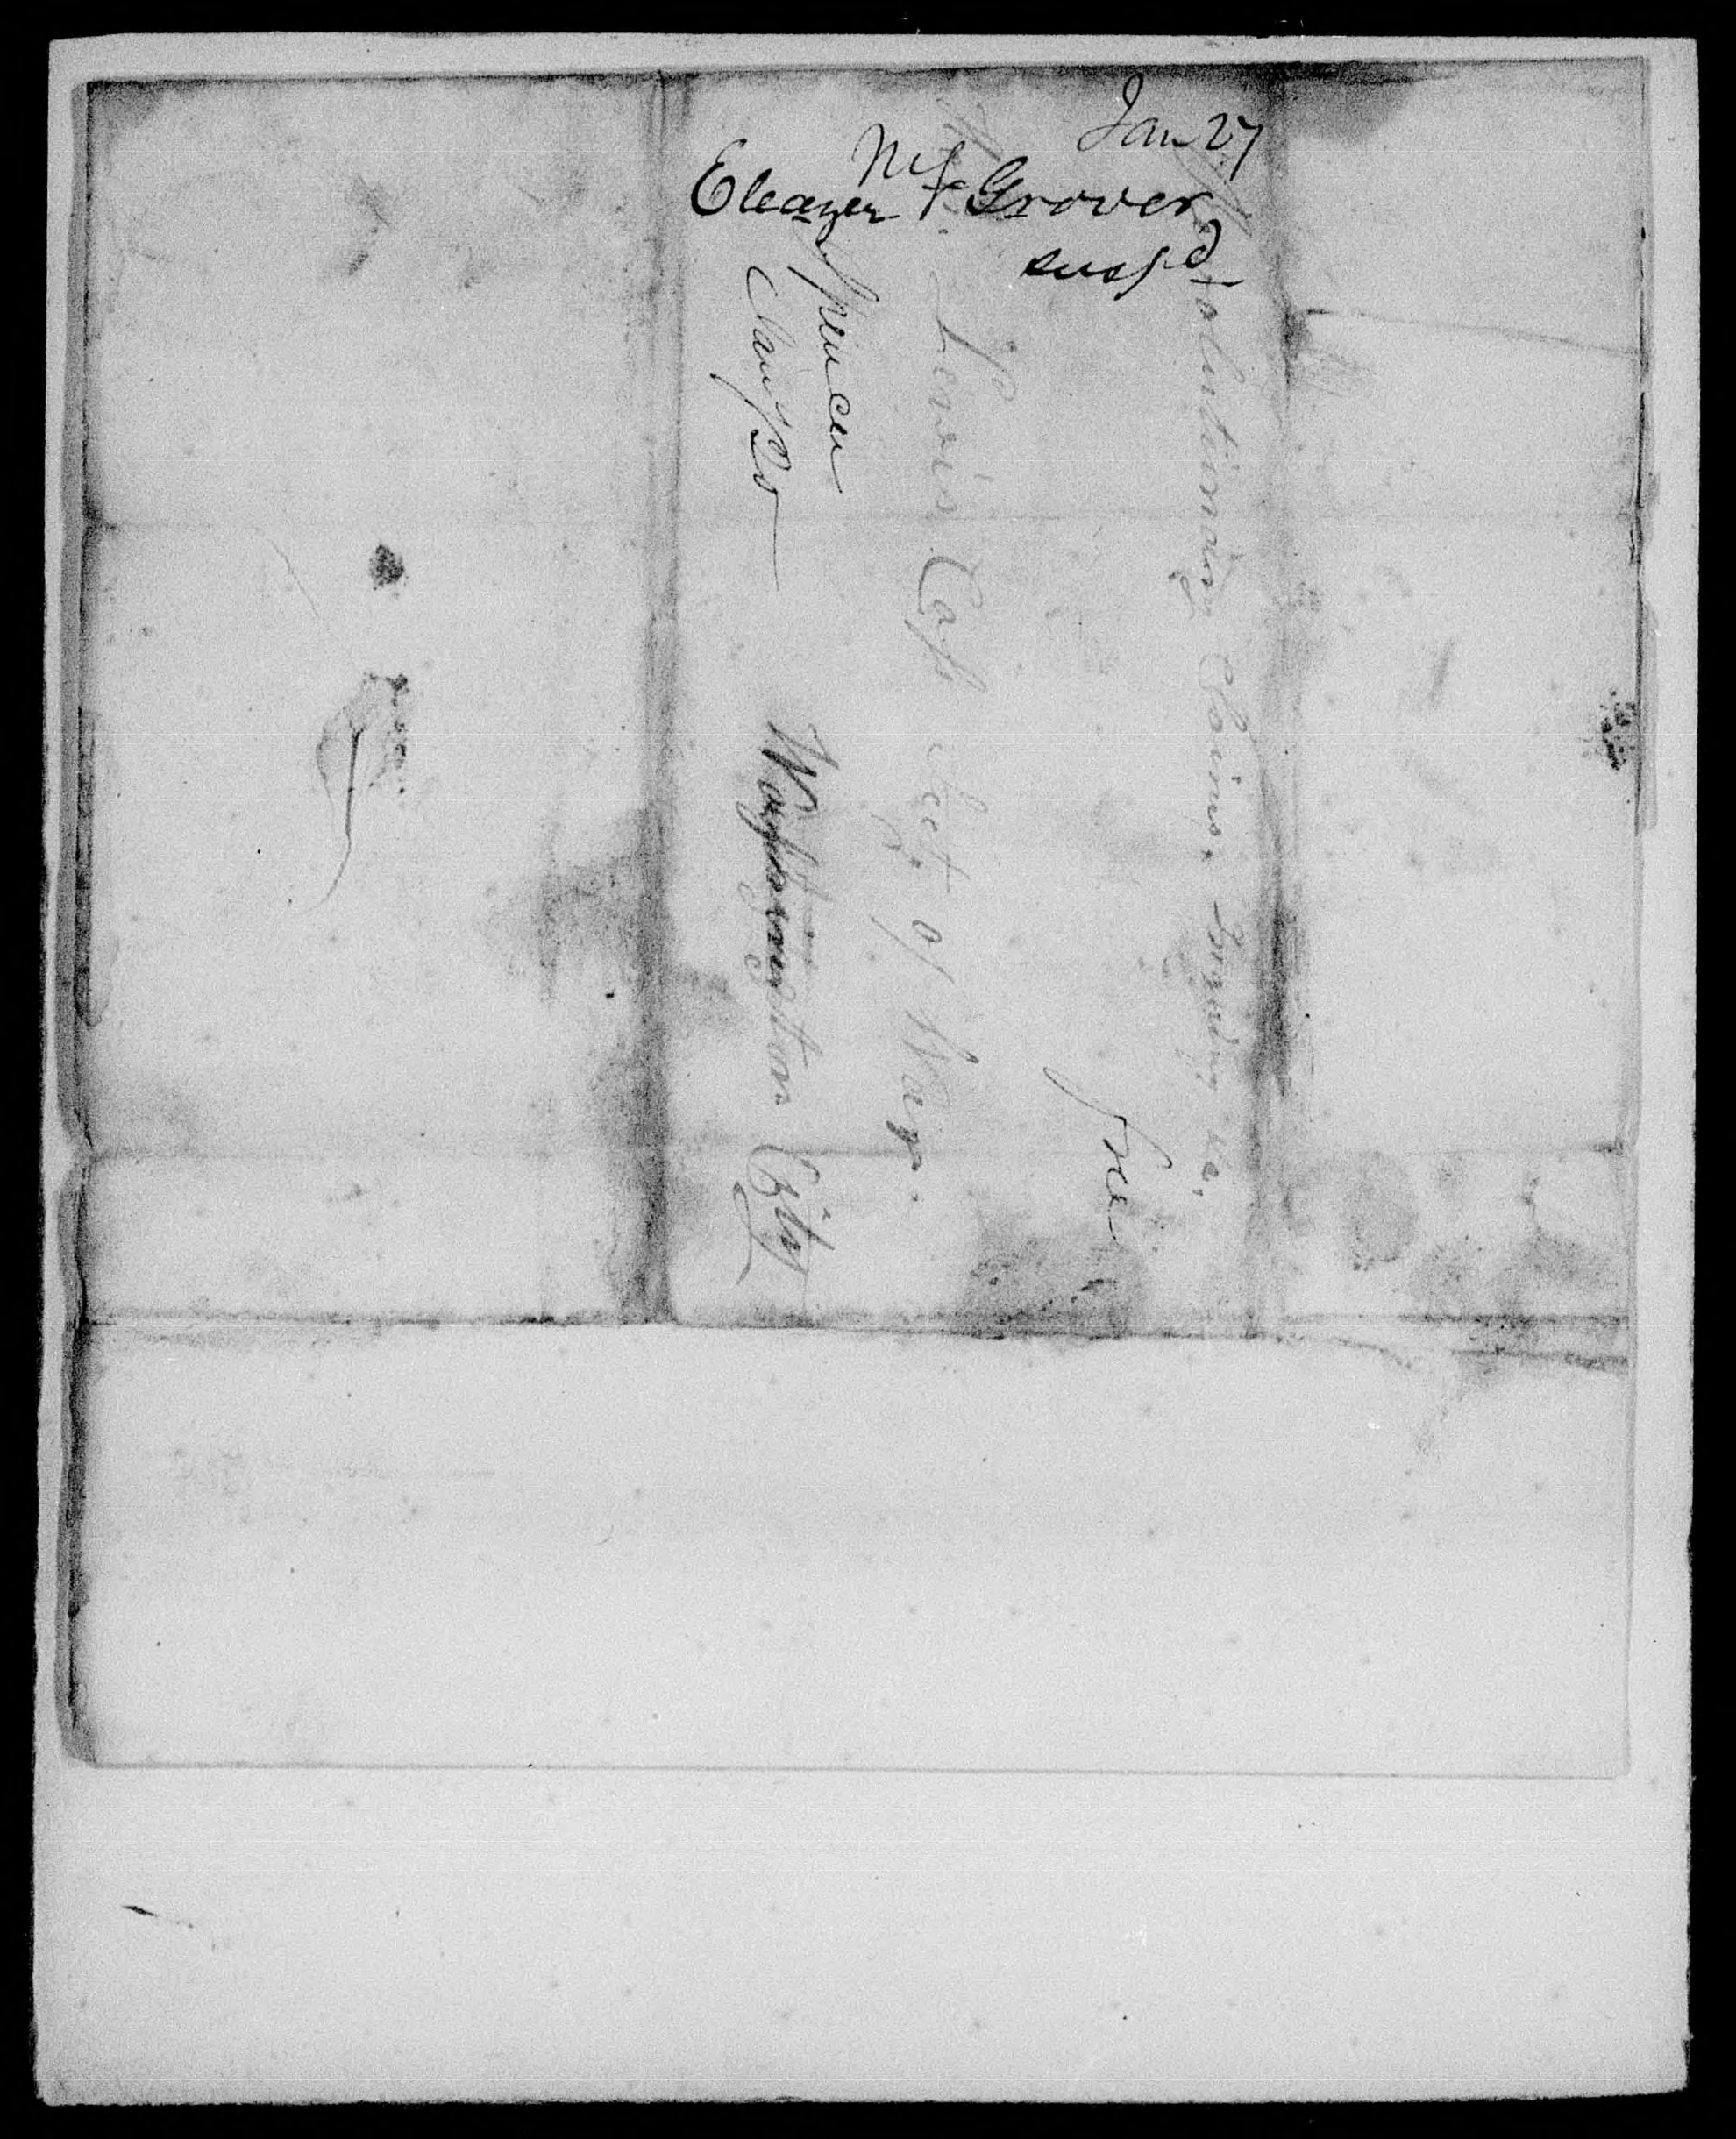NY Jan 27
Eleazer Grover NY susp'd 
Spencer Jany 20
Revolutionary Claim Inquiry &c.
free
Hon. Lewis Cass Sec'y of War.
Washington City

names: Eleazer Grover, Lewis Cass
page: 13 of 43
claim: survivor's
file: S. 28748, Eleazer Grover, Continental Mass. Vt.